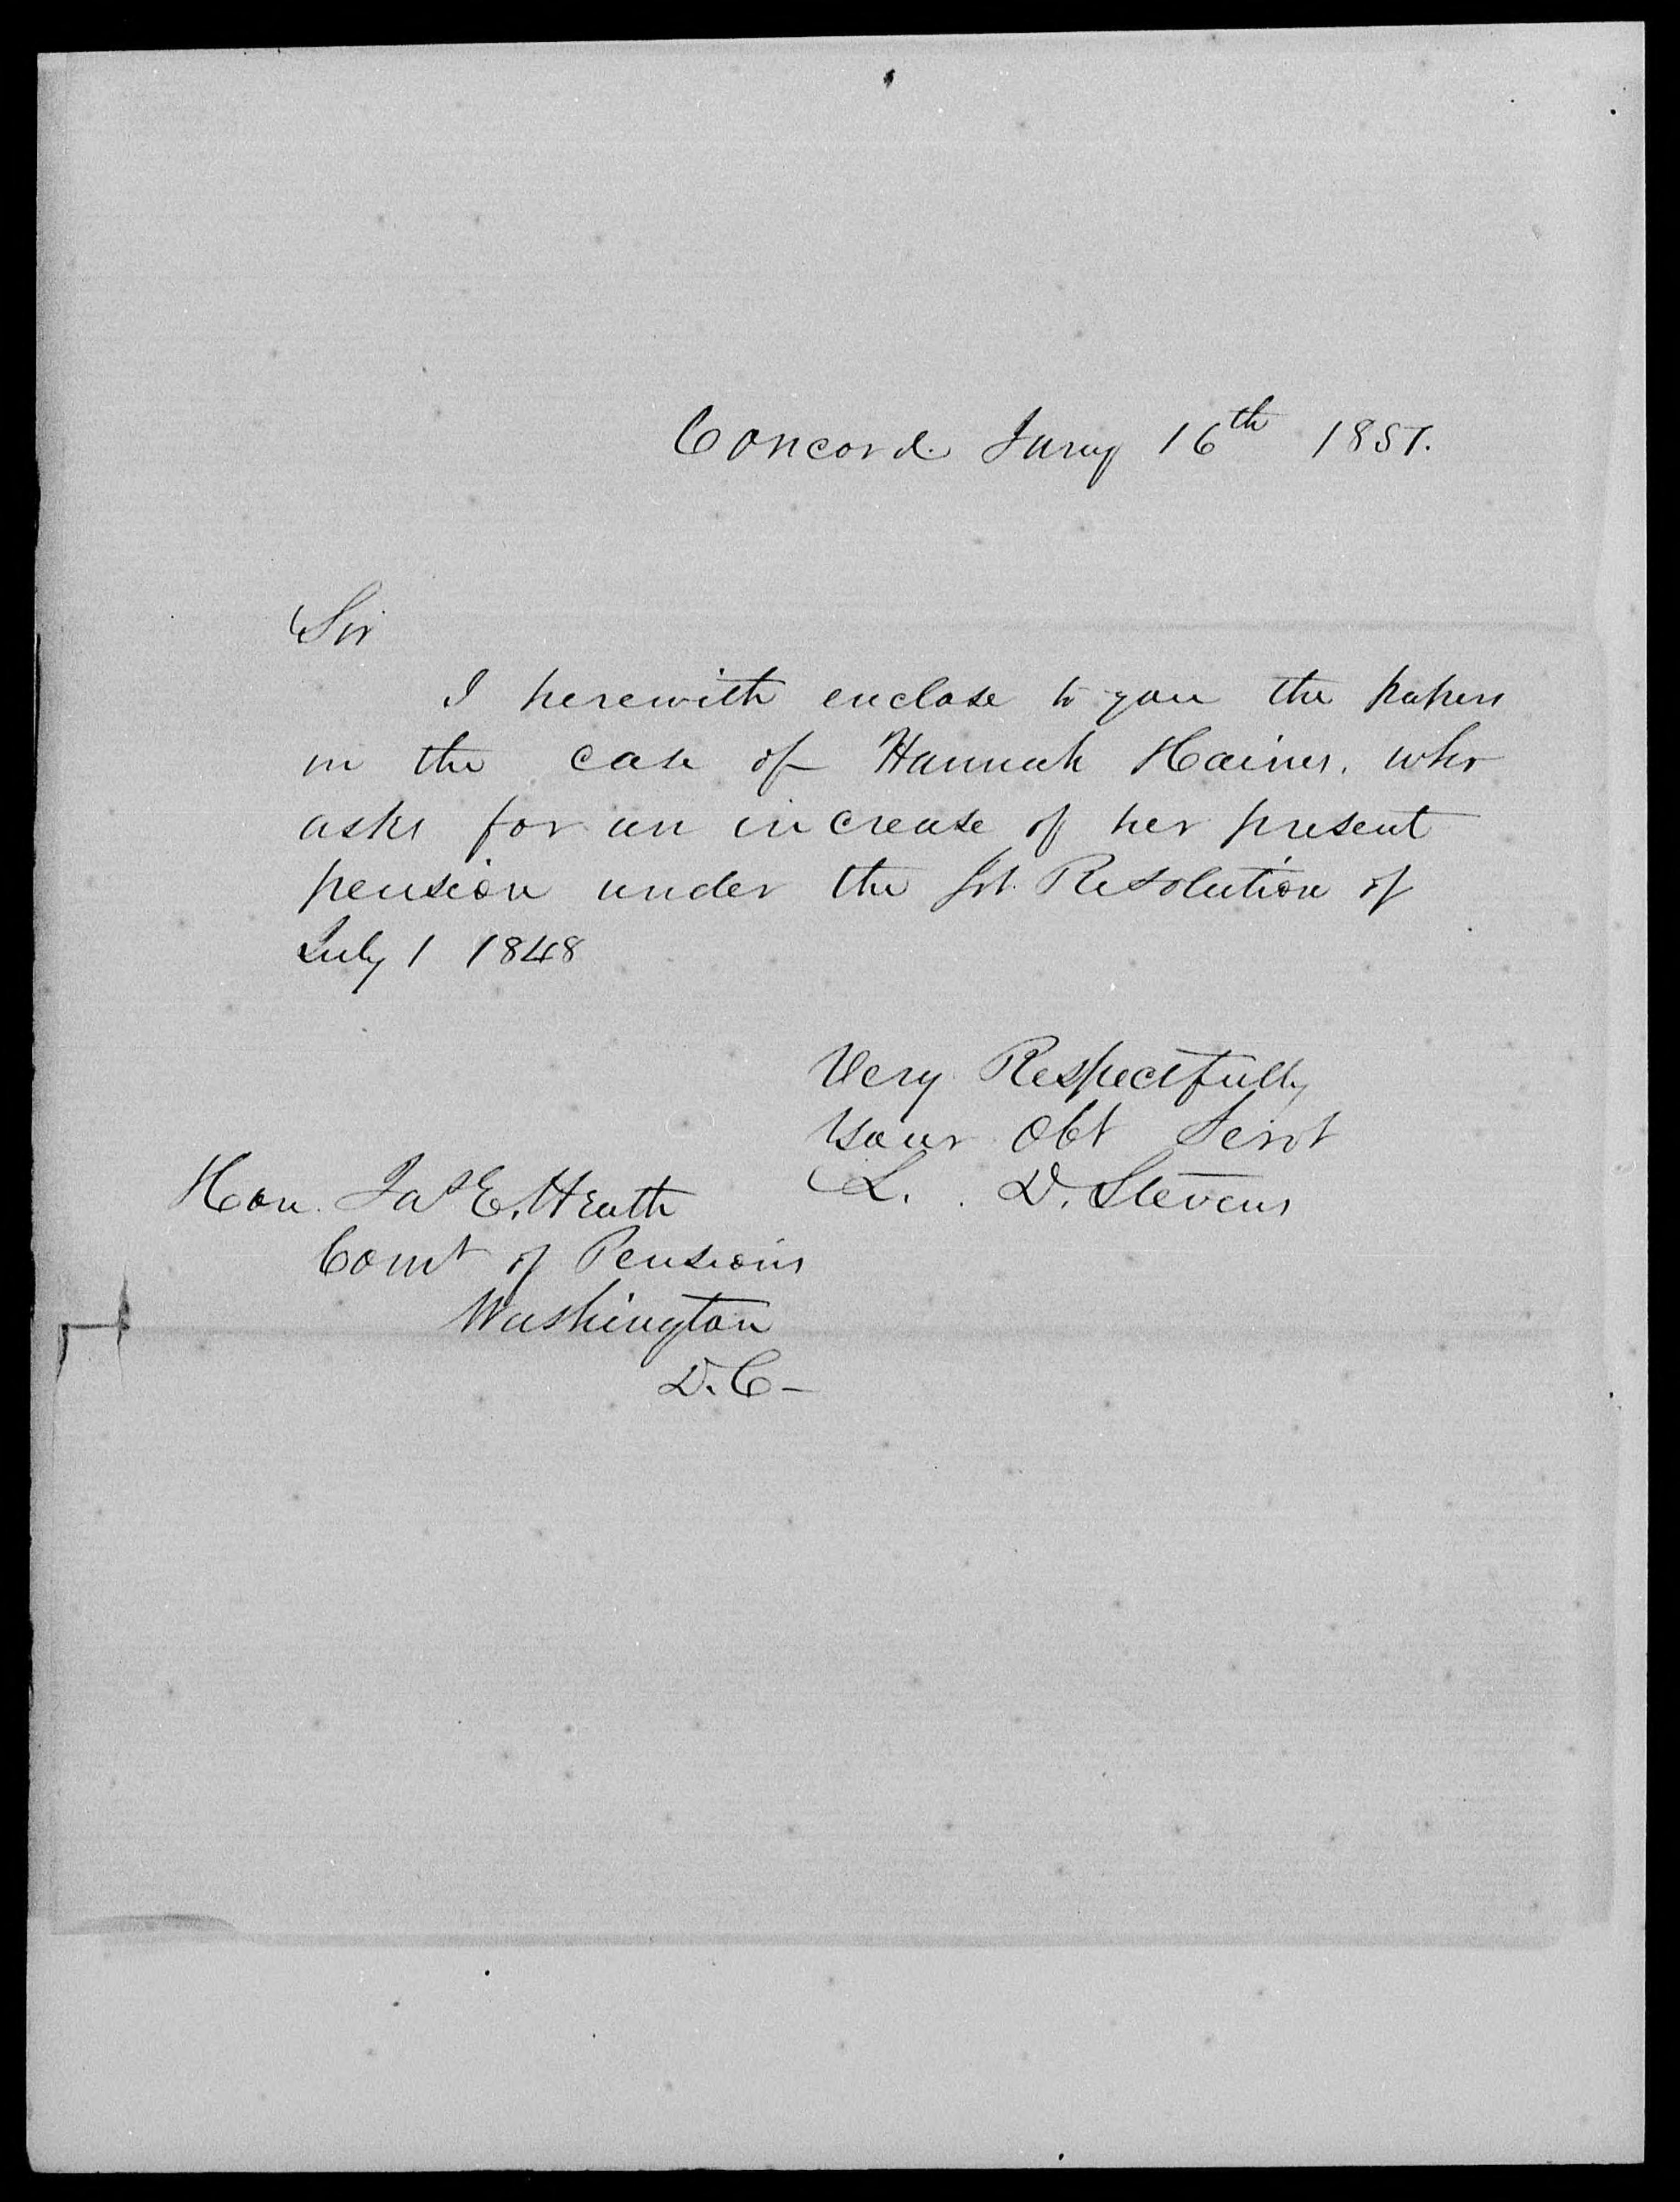Concord Jnry 16th 1887.

Sir

I herewith enclose to you the papers in the case of Hannah Haines, who asks for an increase of her present pension under the ? Resolution of July 1 1848

Very Respectfully
Your Obt Servt
L. D. Steven’s

Hon. Jas E. Heath
Court of Pensions
Washington
D.C.-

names: Hannah Haines, L D Stevens, Jas E Heath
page: 29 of 57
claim: widow's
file: W. 23217, Thomas Haines, N H